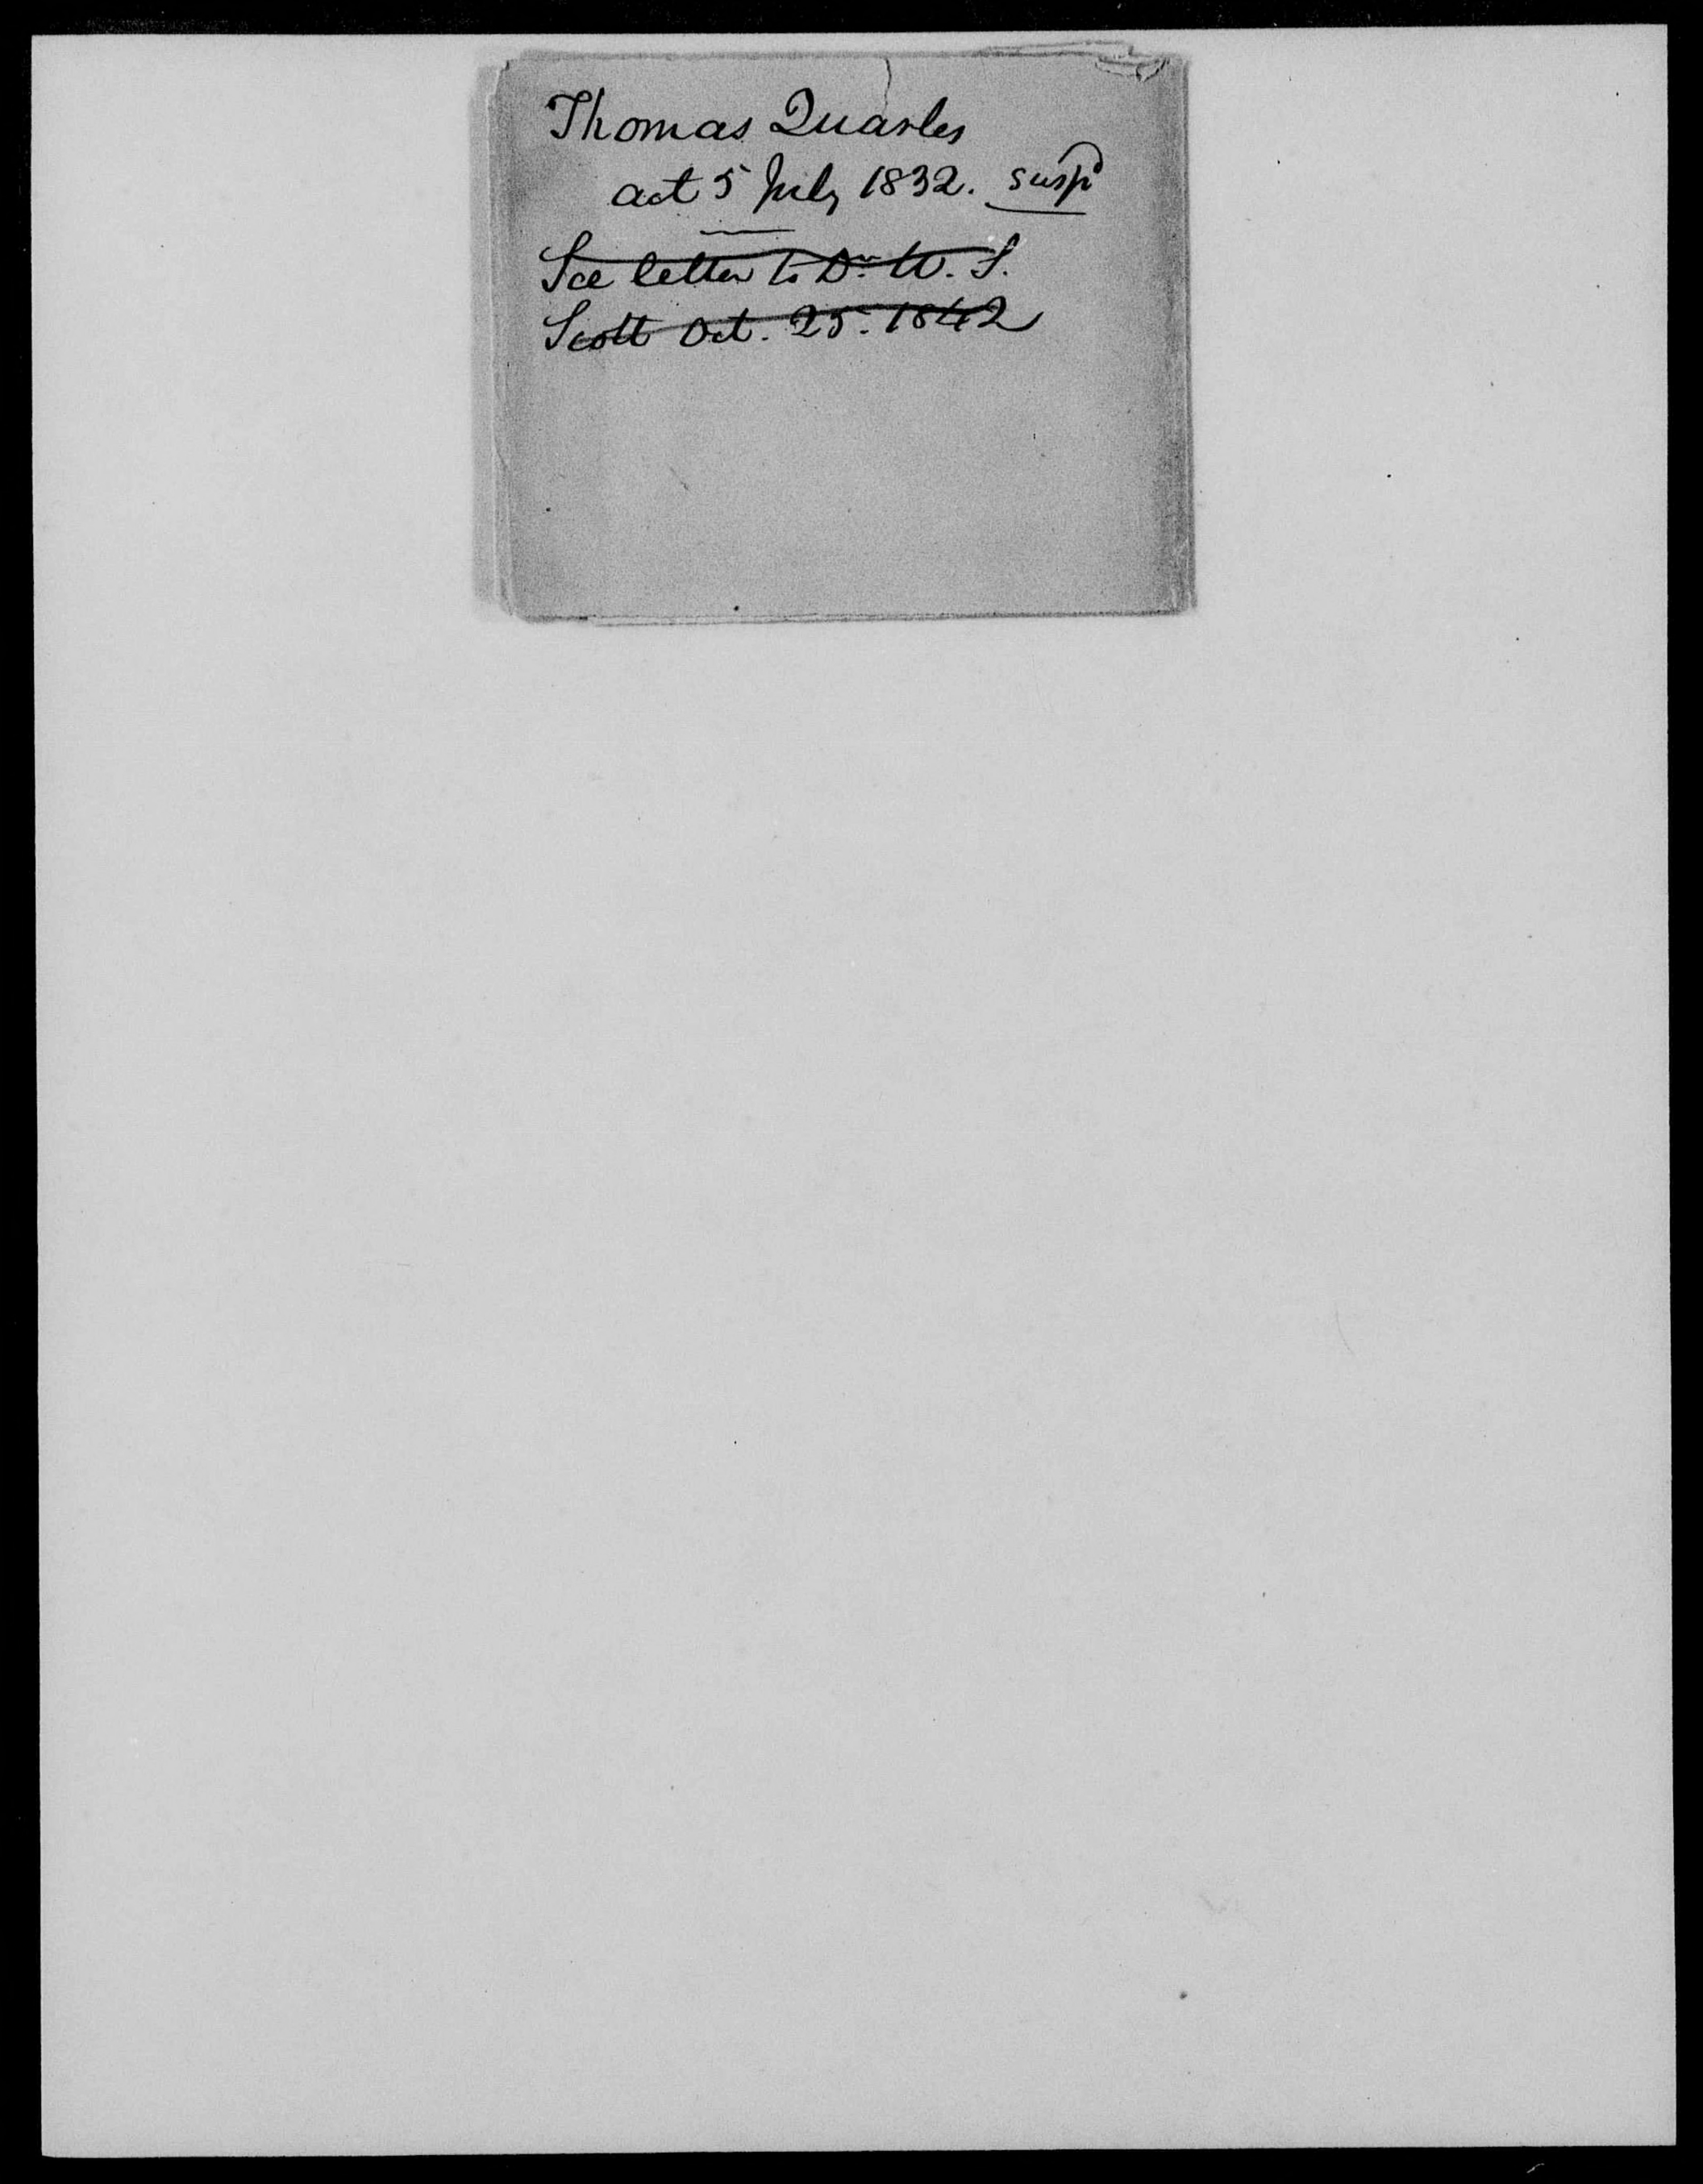Thomas Quarles
act 5 July 1832. Suspd
[strike begin] See letter to D. W. S.
Scott Oct. 25. 1842 [strike end]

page: 18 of 22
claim: rejected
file: R. 17251, for Thomas Quarles, Virginia